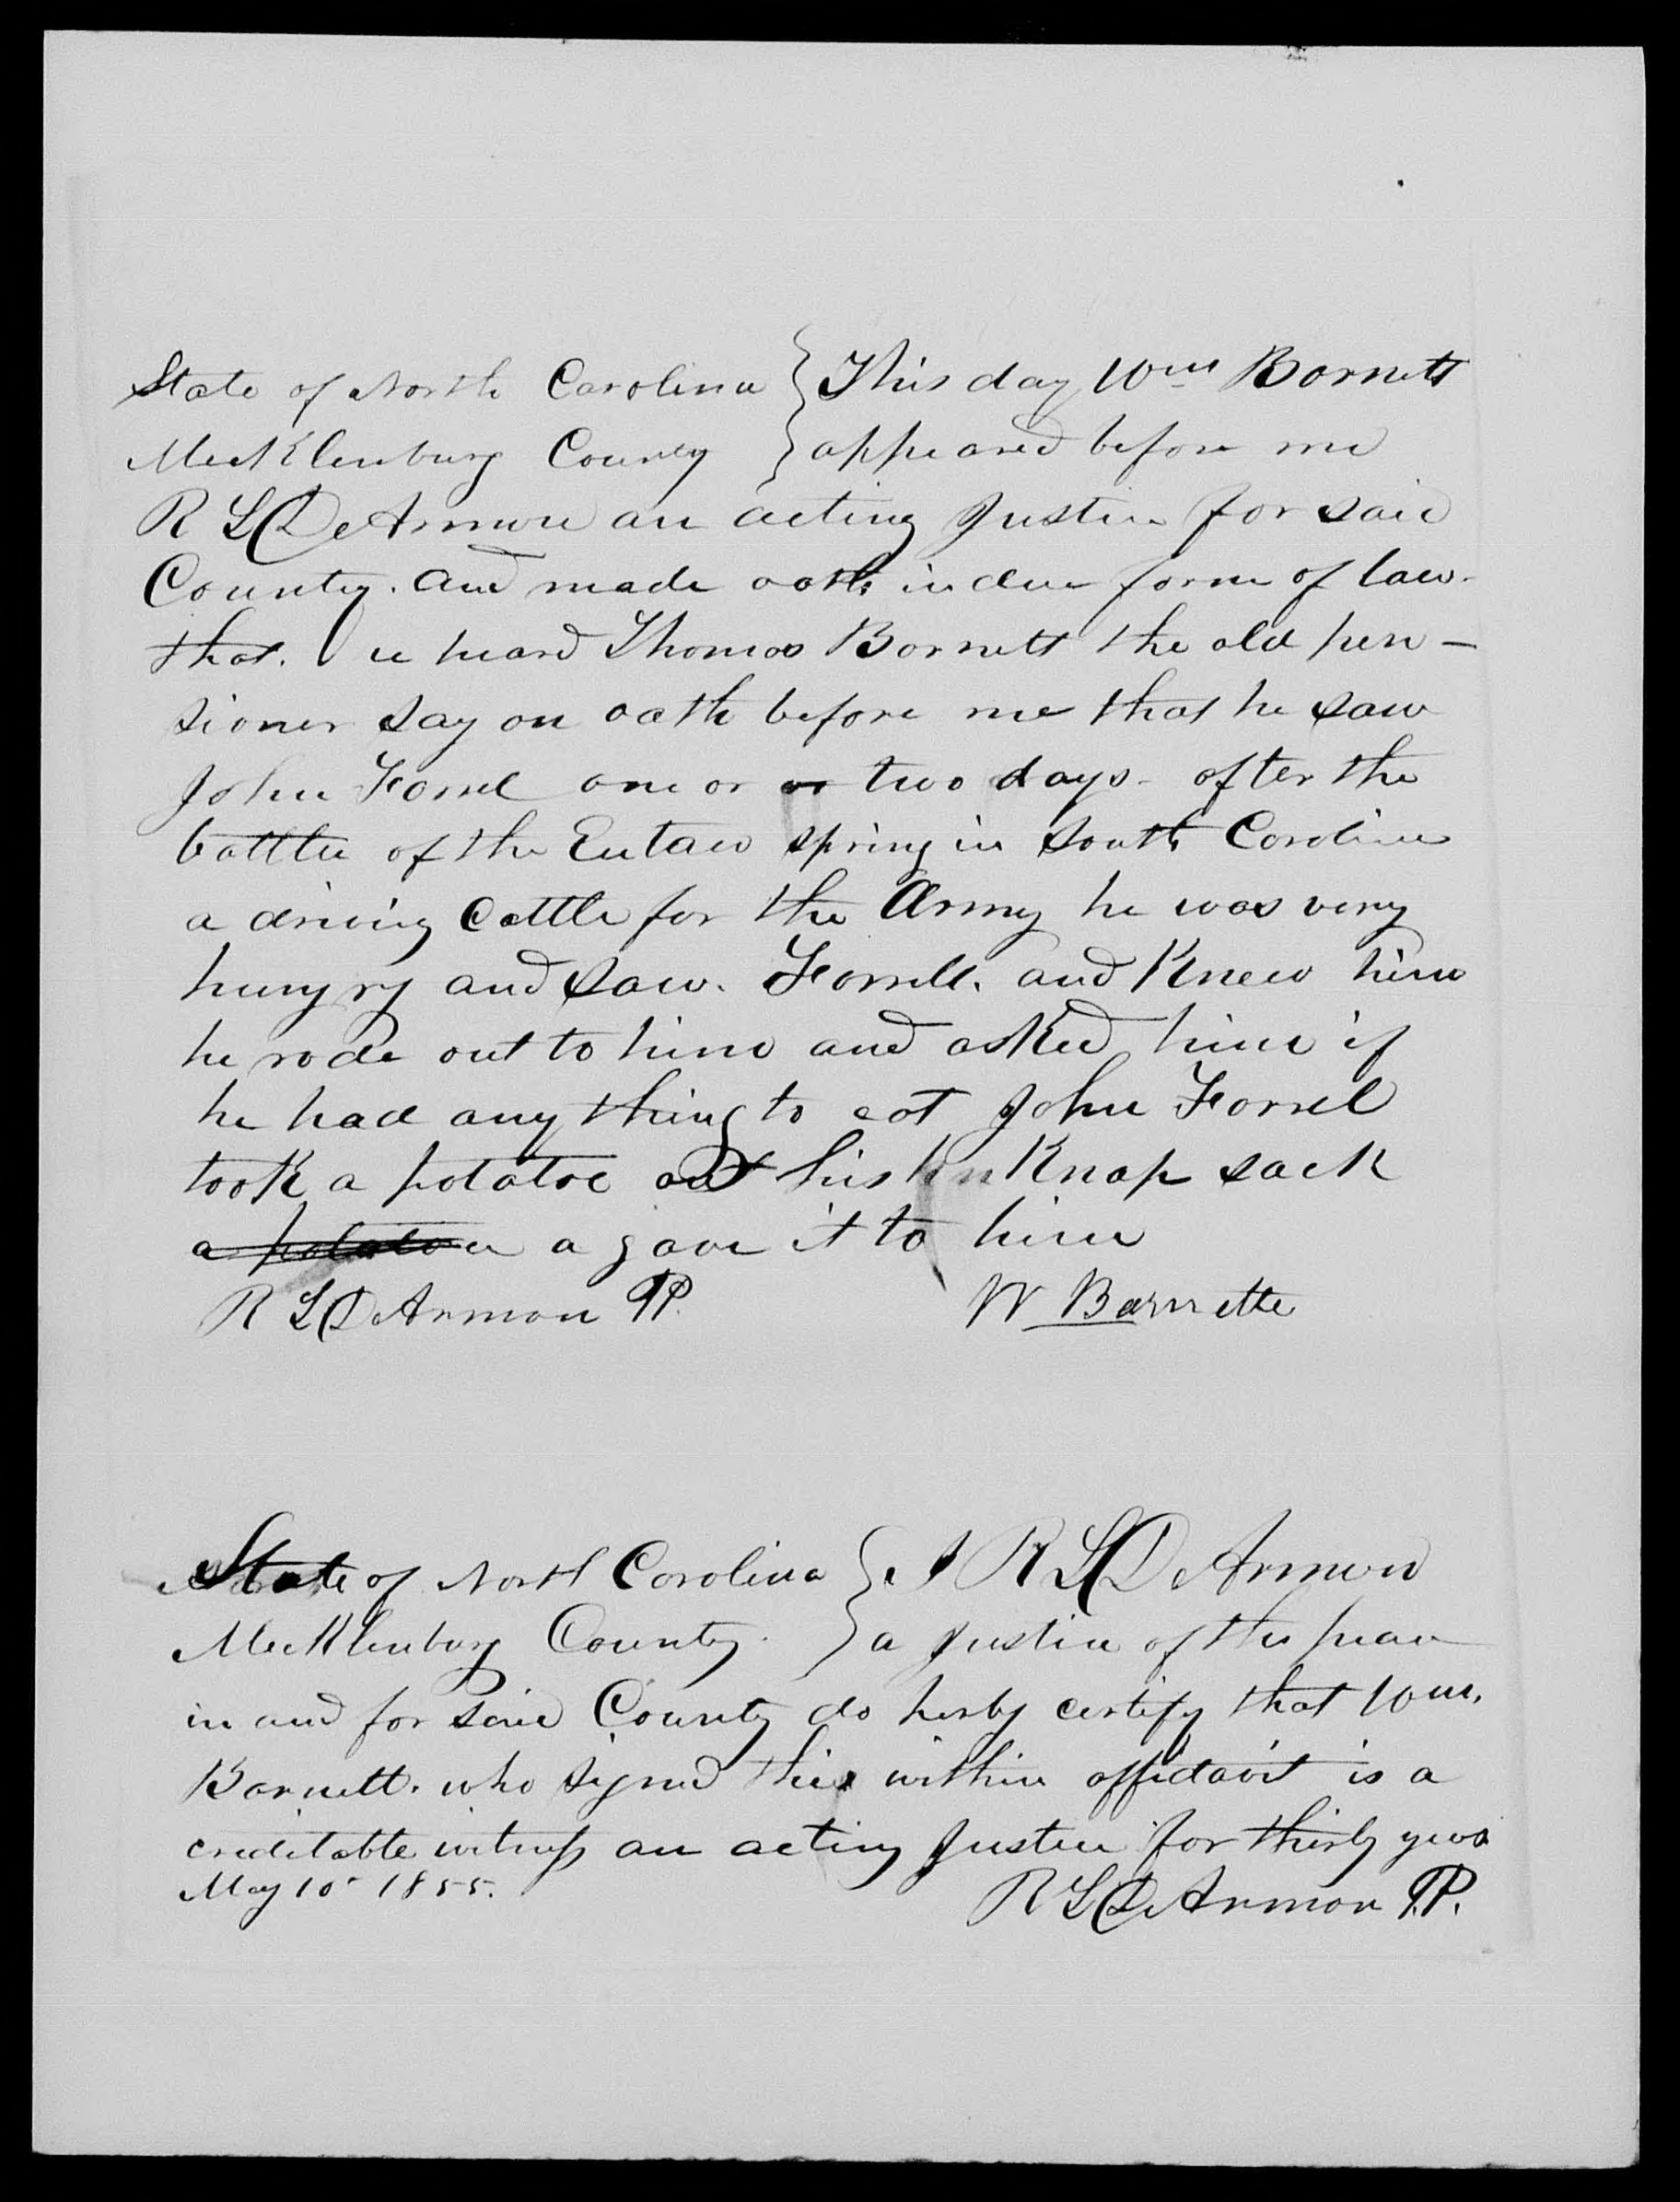State of North Carolina
Mecklenburg County
This day Wm. Barnett appeared before me RL DeArmour an acting Justice foresaid County and made an oat in due form of law that he heard Thomas Barnett the old pensioner say an oath before me that he saw John Ferrell one or two days after the battle of the Eutaw Spring in South Carolina a driving cattle for the Army he was very hungry and saw Ferrell and knew him he rode out to him and asked him if he had anything to eat John Ferrel took a potatoe out his knapsack a gave it to him.
RL. DeArmour JP W Barnette
State of North Carolina
Mecklenburg County
I RL DeArmour a Justice of the peace in and foresaid County do hereby certify that Wm. Barnett who signed this within affidavit is a creditable citizen an acting Justice for thirty years
May 10 1855 RL DeArmor JP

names: John Forrel, Thomas Bornett, W Barnette, R L De Armon, Wm Bornett, Forrell, John Forrel, Wm Barnett, R L De Armon, R L De Armon, R L De Armon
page: 38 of 52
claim: rejected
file: R. 3,512, John Ferrell, N.C.